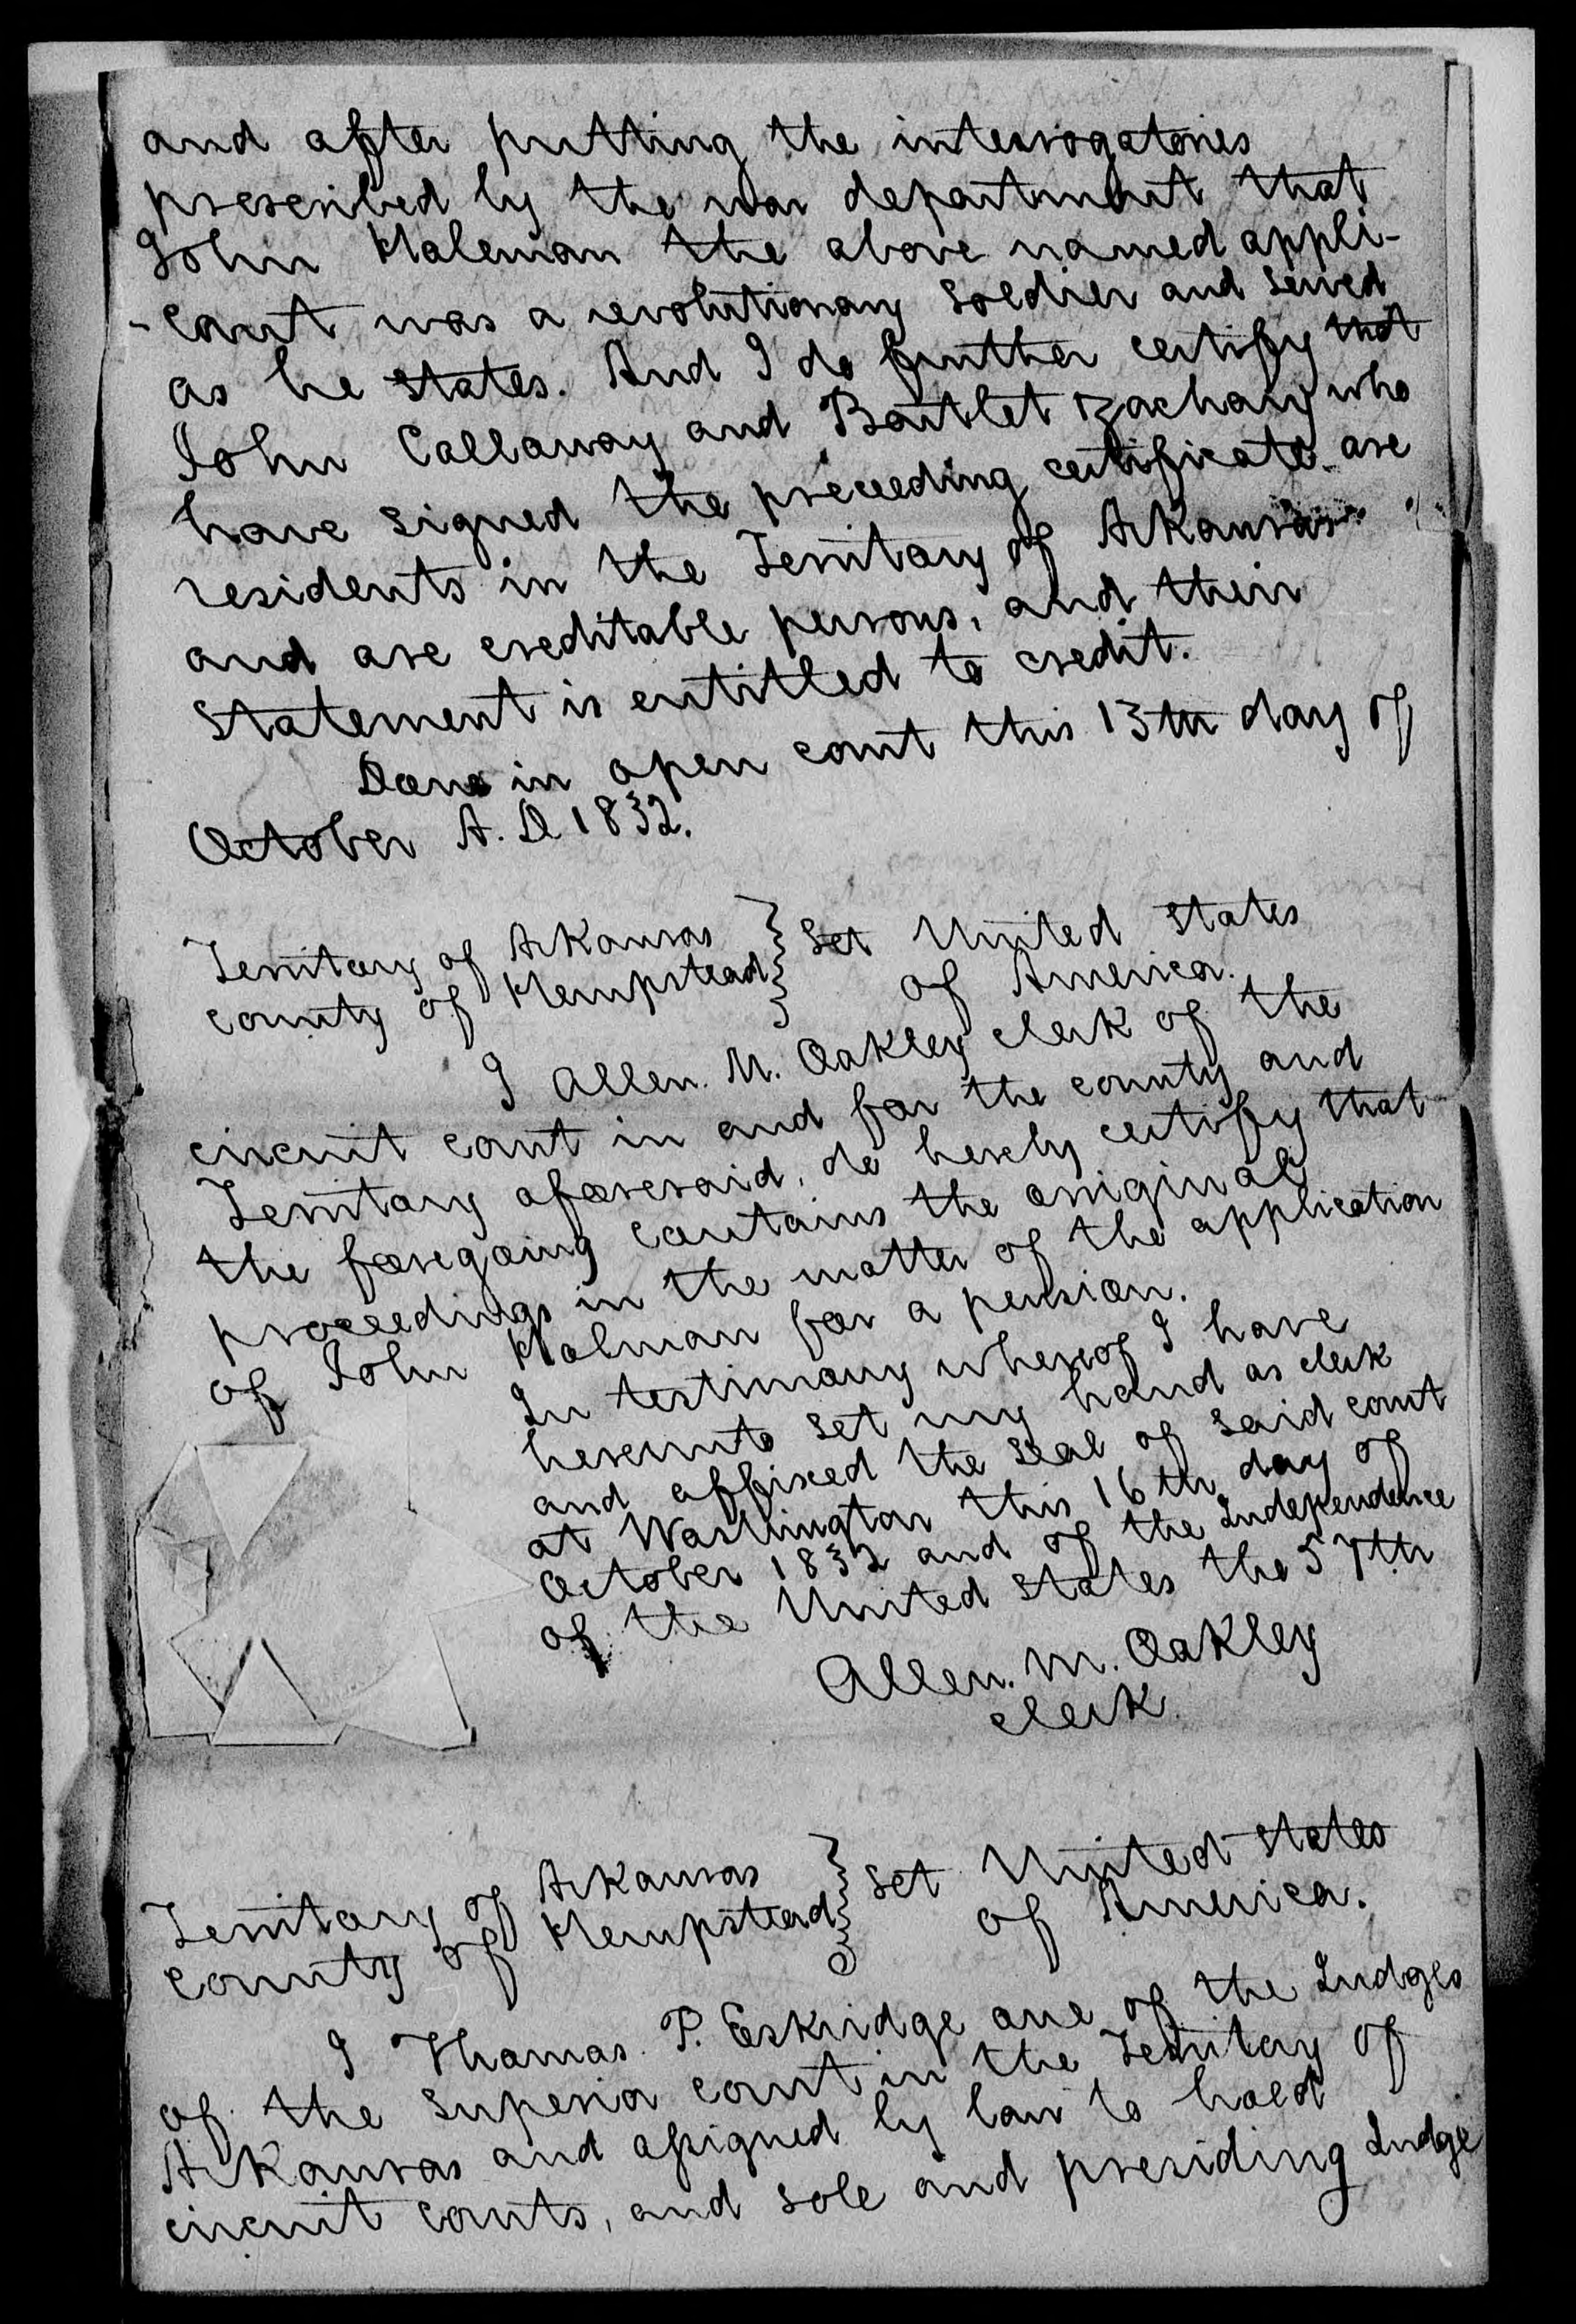and after putting the interrogations
presented by the war department that
John Holman the above named applicant
was a revolutionary soldier and served
as he states. And I do further certify that
John Callaway and Bartlet Zachary who
have signed the preceding certificate are
residents in the Territory of Arkansas
and are creditable persons and their 
statement is entitled to credit.
I am in open court this 13th day of 
October A.D. 1832.

Territory of Arkansas
County of Hempstead
Set United States of America
I Allen M. Oakley clerk of the
Circuit court in and for the county 
and Territory aforesaid, do hereby certify that
the foregoing contain the original
proceedings in the matter of the application
of John Holman for a pension. 
In testimony wherein I have 
hereunto set my hand as clerk
and affixed the seal of said court
at Washington this 16th day of 
October 1832 and of the Independence 
of the United States the 57th. 
Allen M. Oakley clerk
[round illegible seal left of signature]

Territory of Arkansas
County of Hempstead
set United States of America
I Thomas P. Eskridge one of the judges
of the superior court in the Territory of
Arkansas and assigned by law to hold
circuit courts, and sole and presiding Judge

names: Allen M Oakley, Bartlet Zachary, Thomas P Eskridge, John Haleman, Allen M Oakley, John Callaway, John Halman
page: 10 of 30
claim: survivor's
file: S. 31753, John Holman, Va.